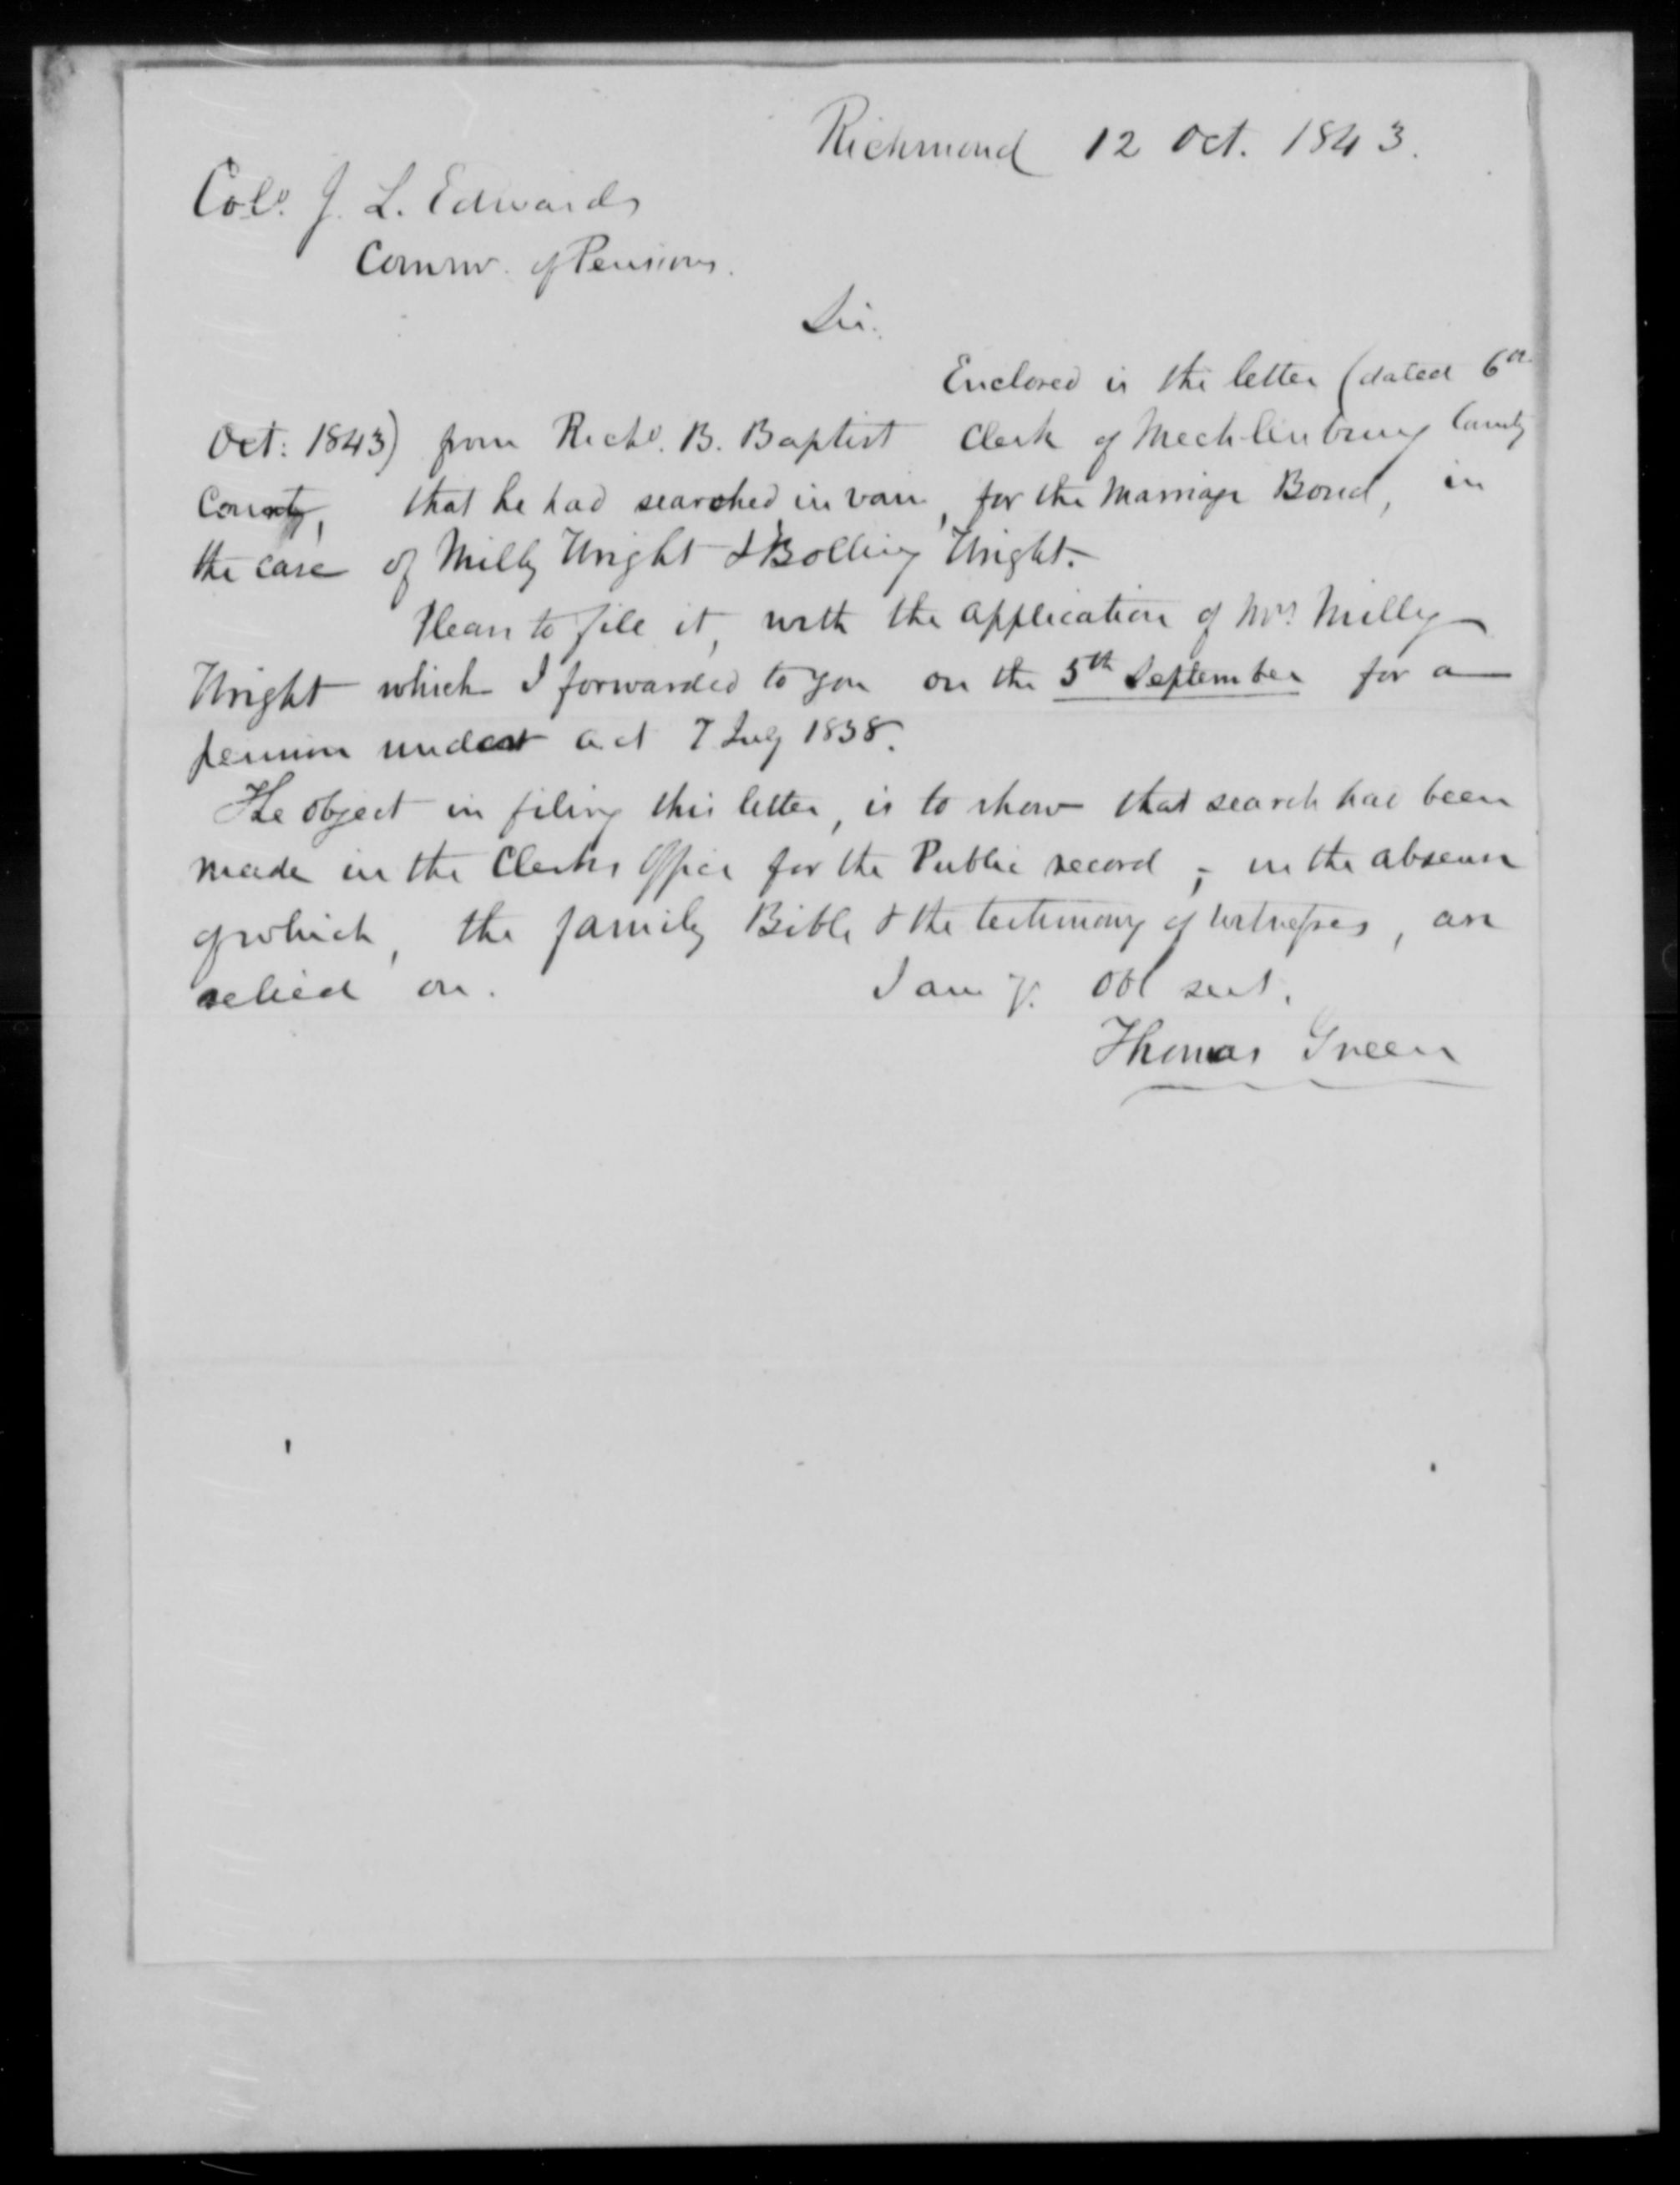Richmond 12 Oct. 1843

Col J. L. Edwards
Comm of Pensions

Sir:  Enclosed is the letter (dated 6th Oct: 1843) from Richd B. Baptist Clerk of Mechlinburg County Court, that he had searched in vain for the marriage bond, in the case of Milly Wright & Bolling Wright.
Please to file it, with the application of Mrs Milly Wright which I forwarded to you on the 5th September for a pension under Act 7 July 1838.
The object in filing this letter, is to show that search has been made in the Clerk's Office for the Public Record; in the absence of which, the family Bible & the testimony of witnesses, are relied on.

I am V. [illegible]
Thomas Green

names: J L Edwards, Richd B Baptist, Milly Wright, Thomas Green, Bolling Wright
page: 48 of 81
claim: widow's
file: W. 5183, Bolling Wright, Va.